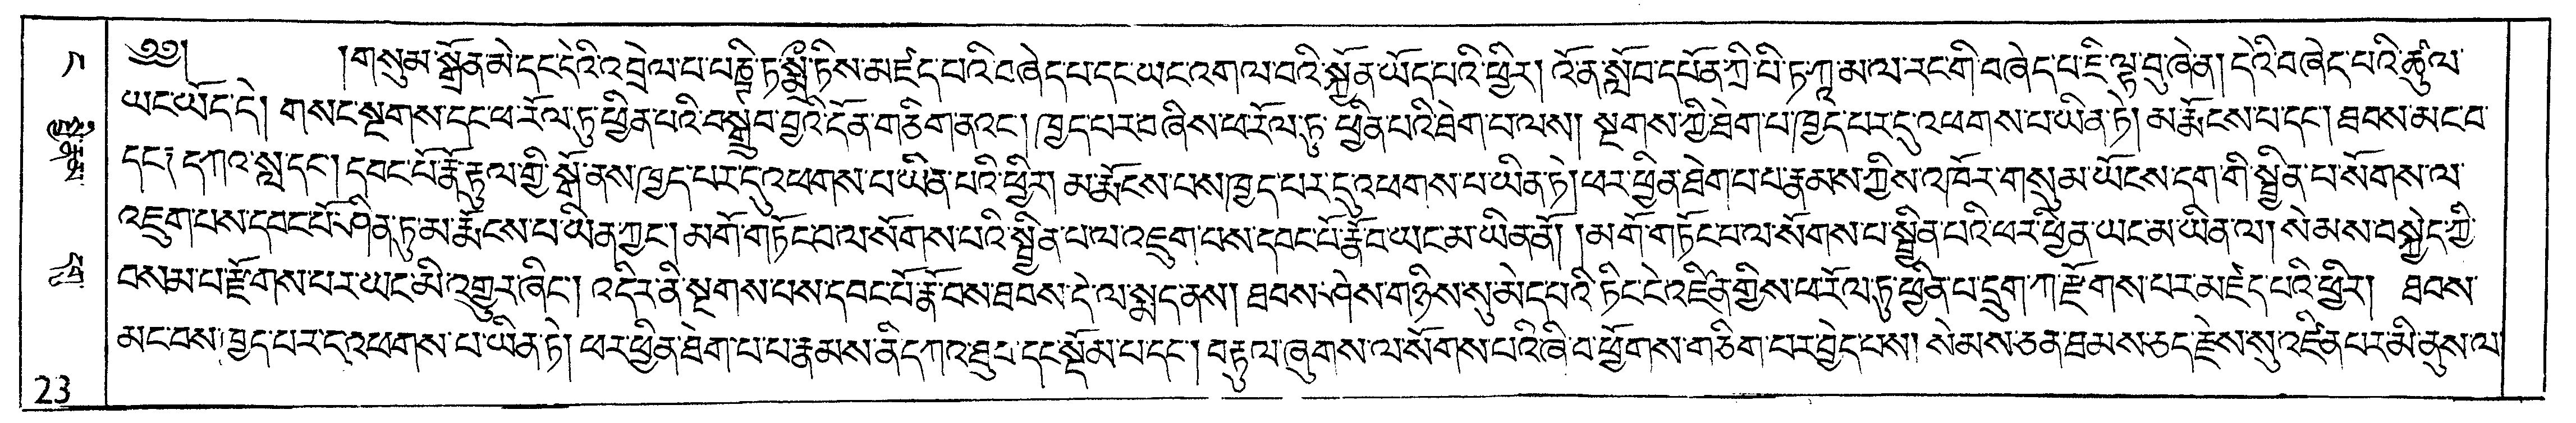༄༅། །གསུམ་སྒྲོན་མེ་དང་དེའི་འབྲེལ་པ་པཎྚི་ཏ་སྨྲྀ་ཏིས་མཛད་པའི་བཞེད་པ་དང་ཡང་འགལ་བའི་སྐྱོན་ཡོད་པའི་ཕྱིར། འོ་ན་སློབ་དཔོན་ཀྲི་པི་ཏ་ཀཱ་མ་ལ་རང་གི་བཞེད་པ་ཇི་ལྟ་བུ་ཞེ་ན། དེའི་བཞེད་པའི་ཚུལ་
ཡང་ཡོད་དེ། གསང་སྔགས་དང་ཕ་རོལ་ཏུ་ཕྱིན་པའི་བསྒྲུབ་བྱའི་དོན་གཅིག་ནའང་། ཁྱད་པར་བཞིས་ཕ་རོལ་ཏུ་ཕྱིན་པའི་ཐེག་པ་ལས། སྔགས་ཀྱི་ཐེག་པ་ཁྱད་པར་དུ་འཕགས་པ་ཡིན་ཏེ། མ་རྨོངས་པ་དང་། ཐབས་མང་བ་
དང༑ དཀའ་སླ་དང་། དབང་པོ་རྣོ་རྟུལ་གྱི་སྒོ་ནས་ཁྱད་པར་དུ་འཕགས་པ་ཡིན་པའི་ཕྱིར། མ་རྨོངས་པས་ཁྱད་པར་དུ་འཕགས་པ་ཡིན་ཏེ། ཕར་ཕྱིན་ཐེག་པ་པ་རྣམས་ཀྱིས་འཁོར་གསུམ་ཡོངས་དག་གི་སྦྱིན་པ་སོགས་ལ་
འཇུག་པས་དབང་པོ་ཤིན་ཏུ་མ་རྨོངས་པ་ཡིན་ཀྱང་། མགོ་གཏོང་བ་ལ་སོགས་པའི་སྦྱིན་པ་ལ་འཇུག་པས་དབང་པོ་རྣོ་བ་ཡང་མ་ཡིན་ནོ། །མགོ་གཏོང་པ་ལ་སོགས་པ་སྦྱིན་པའི་ཕར་ཕྱིན་ཡང་མ་ཡིན་ལ། སེམས་བསྐྱེད་ཀྱི་
བསམ་པ་རྫོགས་པར་ཡང་མི་འགྱུར་ཞིང་། འདིར་ནི་སྔགས་པས་དབང་པོ་རྣོ་བས་ཐབས་དེ་ལ་སྨད་ནས། ཐབས་ཤེས་གཉིས་སུ་མེད་པའི་ཏིང་ངེ་འཛིན་གྱིས་ཕ་རོལ་ཏུ་ཕྱིན་པ་དྲུག་ཀ་རྫོགས་པར་མཛད་པའི་ཕྱིར། ཐབས་
མང་བས་ཁྱད་པར་དུ་འཕགས་པ་ཡིན་ཏེ། ཕར་ཕྱིན་ཐེག་པ་པ་རྣམས་ནི་དཀའ་ཐུབ་དང་སྡོམ་པ་དང་། བརྟུལ་ཞུགས་ལ་སོགས་པའི་ཞི་བ་ཕྱོགས་གཅིག་པར་བྱེད་པས། སེམས་ཅན་ཐམས་ཅད་རྗེས་སུ་འཛིན་པར་མི་ནུས་ལ་